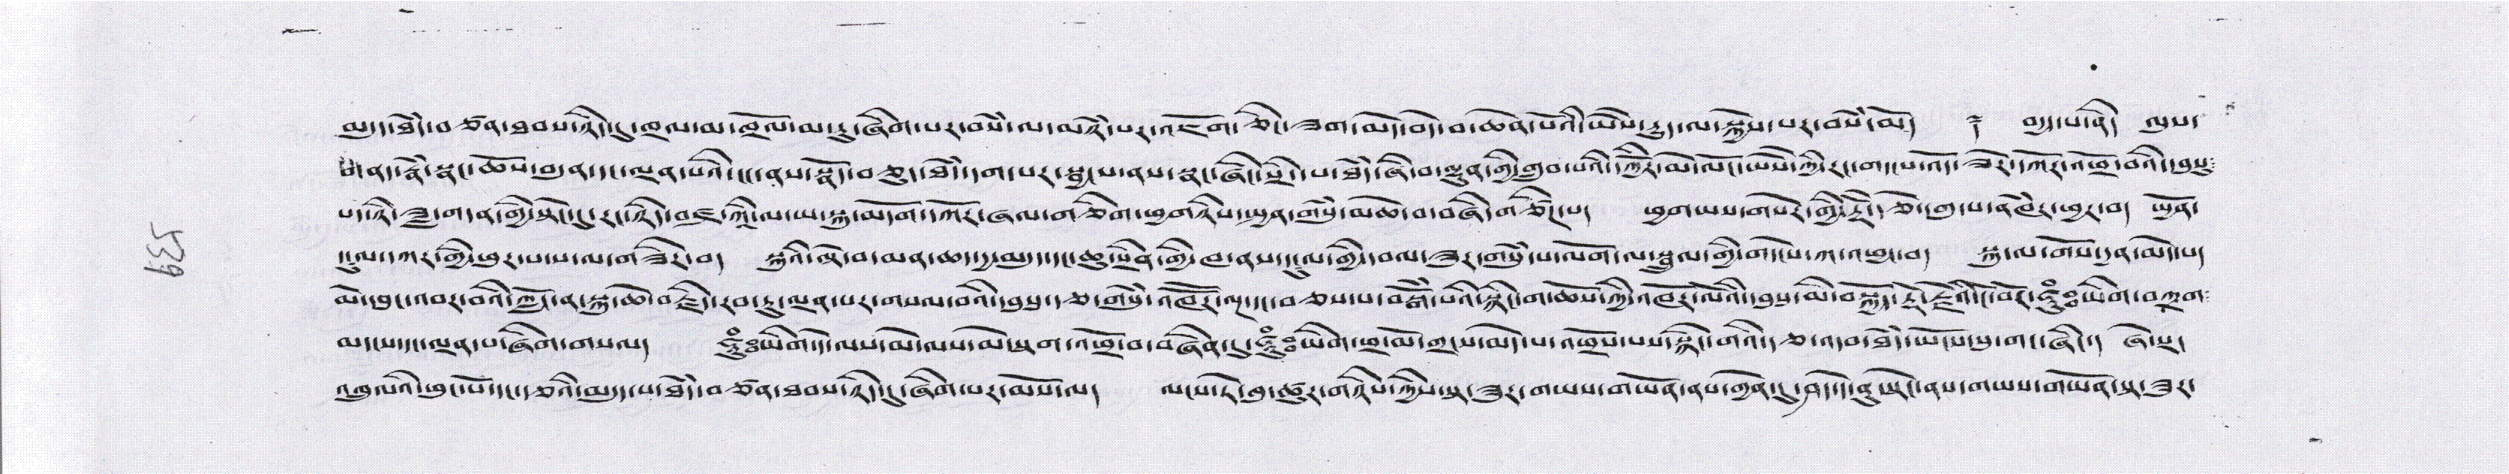མདུད་ཐམས་ཅད་བཙན་ཐབས་ཉིད་དུ་ཁྲལ་མ་ཁྲོལ་མ་རུ་ཞིག་པར་བསམ་ལ་མཉམ་པར་འཇོག་ཅིང་ཟག་མེད་བདེ་བ་ཆེན་པོའི་ཡེ་ཤེས་རྒྱུད་ལ་སྐྱེས་པར་བསམ་མོ། །བརྒྱད་པ་ནི། ལུས་
རྣམ་སྣང་གི་ཆོས་བདུན་དང་ལྡན་པའི་ངང་ནས་སྣོད་བཅུད་ཐམས་ཅད་དག་པར་སྦྱངས་ནས་སྣང་ཞིང་སྲིད་པ་ཐམས་ཅད་ཞི་བ་ལྷུན་གྱིས་གྲུབ་པའི་དཀྱིལ་འཁོར་མེ་ལོང་ཡེ་ཤེས་ཀྱི་རང་གདངས་འོད་ཟེར་དཀར་པོ་འཕྲོ་བའི་དབུས་སུ་
པད་ཉི་ཟླ་གདན་གྱི་སྟེང་དུ་རང་ཉིད་བཛྲ་ཀཱི་ལ་ཡ་སྐུ་མདོག་དཀར་པོ་ཞལ་གཅིག་ཕྱག་གཉིས་སྤྱན་གསུམ་མཆེ་བ་བཞི་གཙིགས་པ། ཕྱག་གཡས་གསེར་གྱི་རྡོ་རྗེ་རྩེ་དགུ་པ་ནམ་མཁའ་ལ་ཕྱར་བ། གཡོན་
དངུལ་དཀར་གྱི་ཕུར་པ་ས་ལ་གཟིར་བ། སྐུའི་ལྟེ་བ་མན་ཆད་རྒྱ་མདུད་དང་ཆུ་སྲིན་གྱི་ཁ་ནས་དངུལ་གྱི་དབལ་ཟུར་གསུམ་པ་ལོགས་ལ་སྦྲུལ་གྱི་གདེང་ཀ་འཕྱང་བ། སྐུ་ལ་གོས་རྒྱན་མེད་པ། 
མེ་དཔུང་འབར་བའི་དབུས་ན་སྐུ་ཆེ་བརྗིད་རབ་ཏུ་ལྡན་པར་གསལ་བའི་དབུས་སུ་རྩ་གསུམ་འཁོར་ལོ་ལྔ་དང་བཅས་པ་བསྒོམ་པའི་སྙིང་ག་ཆོས་ཀྱི་འཁོར་ལོིའི་དབུས་སུ་མི་བསྐྱོད་རྡོ་རྗེའི་ངོ་བོར་ཧཱུཾཿཡིག་བཀྲག་
མདངས་དང་ལྡན་པ་ཞིག་གསལ། ཧཱུཾཿཡིག་དེ་ལས་མེ་ལས་མེ་སྟག་འཕྲོ་བ་བཞིན་དུ་ཧཱུཾཿཡིག་ཕྲ་མོ་གྲངས་མེད་པ་འཕྲོས་པས་སྙིང་གའི་རྩ་འདབ་ཐམས་ཅད་ཡོངས་སུ་གང་ཞིང་། ཞེ་སྡང་
འཁྲུལ་པའི་ཕུང་པོ་དང་རྩ་ཡི་མདུད་པ་ཐམས་ཅད་བཙན་ཐབས་ཉིད་དུ་ཞིག་པར་མོས་ལ། ལངས་ཏེ་ཁུ་ཚུར་གཉིས་ཀྱིས་སྟ་ཟུར་གཡས་གཡོན་ནས་གྱེན་དུ་ཤད་དེ་ནུ་སྟེང་ནས་གཡས་གཡོན་སྟ་ཟུར་